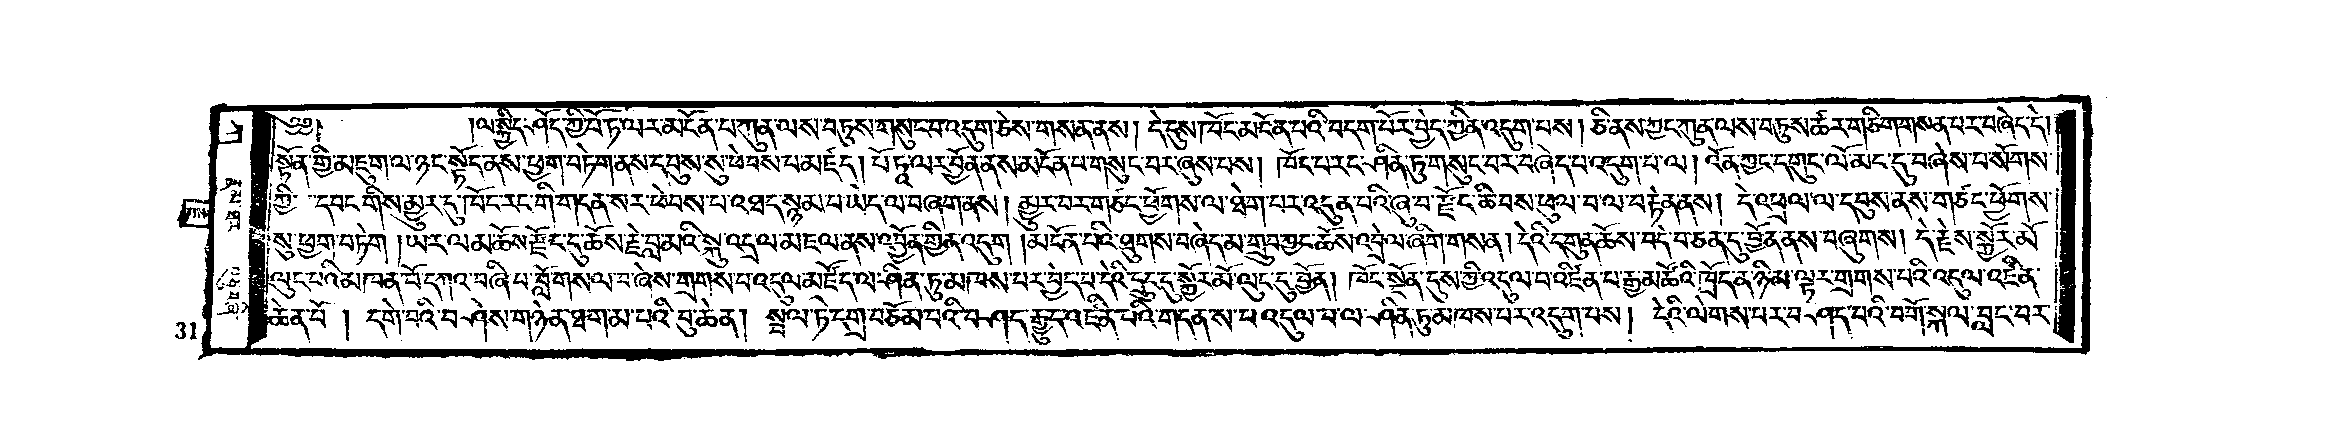༄༅། །ལ་སྐྱིད་ཤོད་ཀྱི་པོ་ཏ་ལར་མངོན་པ་ཀུན་ལས་བཏུས་གསུང་བ་འདུག་ཅེས་གསན་ནས། དེ་དུས་ཁོང་མངོན་པའི་བདག་པོར་བྱེད་ཀྱིན་འདུག་པས། ཅི་ནས་ཀྱང་ཀུན་ལས་བཏུས་ཚར་གཅིག་གསན་པར་བཞེད་དེ།
སྟོན་གྱི་མཇུག་ལ་ཉང་སྟོད་ནས་ཕྱག་བཏེག་ནས་དབུས་སུ་ཕེབས་པ་མཛད། པོ་ཏཱ་ལར་བྱོན་ནས་མངོན་པ་གསུང་བར་ཞུས་པས། ཁོང་པ་རང་ཤིན་ཏུ་གསུང་བར་བཞེད་པ་འདུག་པ་ལ། འོན་ཀྱང་དགུང་ལོ་མང་དུ་བཞེད་པ་སོགས་
ཀྱི་དབང་གིས་མྱུར་དུ་ཁོང་རང་གི་གདན་སར་ཕེབས་པ་འཐད་སྙམ་པ་ཡེད་ལ་བཞག་ནས། མྱུར་བར་གཙང་ཕྱོགས་ལ་ཐེག་པར་འདུན་པའི་ཞུ་བ་རྫོང་ཆི་བས་ཕུལ་བ་ལ་བརྟེན་ནས། དེ་འཕྲལ་ལ་དབུས་ནས་གཙང་ཕྱོགས་
སུ་ཕྱག་བཏེག །ཡར་ལམ་ཆོས་རྫོང་དུ་ཆོས་རྗེ་བླ་མའི་སྐུ་འདྲ་ལ་མཇལ་ནས་འབྱོན་གྱིན་འདུག །མངོན་པའི་ཐུགས་བཞེད་མ་གྲུབ་ཀྱང་ཆོས་འབྲེལ་ཞིག་གསན། དེའི་དགུན་ཆོས་བདེ་བ་ཅན་དུ་བྱོན་ནས་བཞུགས། དེ་རྗེས་སྐྱོར་མོ་
ལུང་པའི་མཁན་པོ་དཀའ་བཞི་པ་བློ་གསལ་བ་ཞེས་གྲགས་པ་འདུལ་མཛོད་ལ་ཤིན་ཏུ་མཁས་པར་བྱེད་པ་དེའི་དྲུང་དུ་སྐྱོར་མོ་ལུང་དུ་བྱོན། ཁོང་སྔོན་དུས་ཀྱི་འདུལ་བ་འཛིན་པ་རྒྱ་མཚོའི་ཁྲོད་ན་ཉི་མ་ལྟར་གྲགས་པའི་འདུལ་འཛིན་
ཆེན་པོ་།དགེ་བའི་བཤེས་གཉེན་ཐག་མ་པའི་བུ་ཆེན། སྦལ་ཏེ་དགྲ་བཅོམ་པའི་བཤད་རྒྱུད་འཛིན་པའི་གདན་ས་པ་འདུལ་བ་ལ་ཤིན་ཏུ་མཁས་པར་འདུག་པས། དེའི་ལེགས་པར་བཤད་པའི་བགོ་སྐལ་བླང་བར་